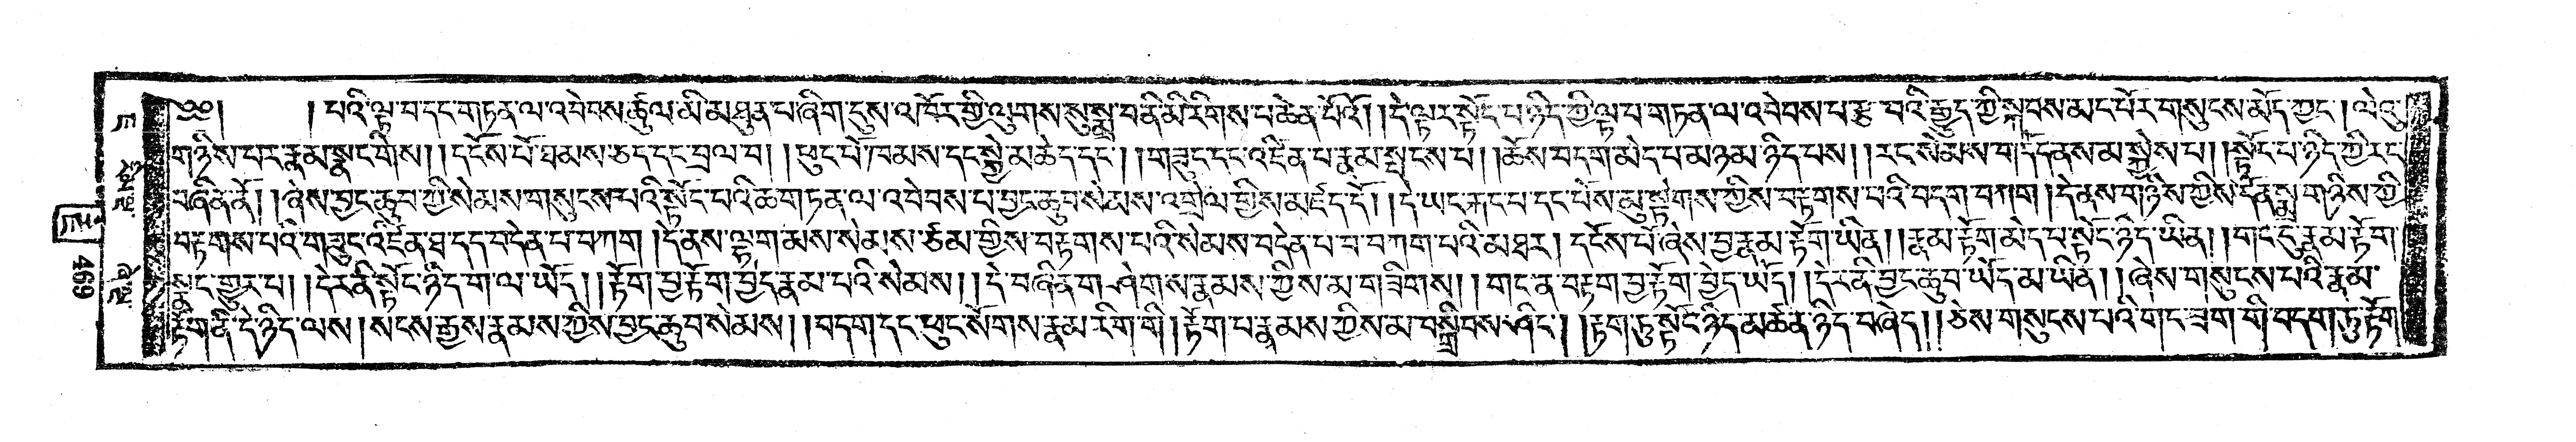༄༅། །པའི་ལྟ་བ་དང་གཏན་ལ་འབེབས་ཚུལ་མི་མཐུན་པ་ཞིག་དུས་འཁོར་གྱི་ལུགས་སུ་སྨྲ་བ་ནི་མི་རིགས་པ་ཆེན་པོའོ། །དེ་ལྟར་སྟོང་པ་ཉིད་ཀྱི་ལྟ་བ་གཏན་ལ་འབེབས་པ་རྩ་བའི་རྒྱུད་ཀྱི་སྐབས་མང་པོར་གསུངས་མོད་ཀྱང་། ལེའུ་
གཉིས་པར་རྣམ་སྣང་གིས། །དངོས་པོ་ཐམས་ཅད་དང་བྲལ་བ། །ཕུང་པོ་ཁམས་དང་སྐྱེ་མཆེད་དང་། །གཟུང་དང་འཛིན་པ་རྣམ་སྤངས་པ། །ཆོས་བདག་མེད་པ་མཉམ་ཉིད་པས། །རང་སེམས་གདོད་ནས་མ་སྐྱེས་པ། །སྟོང་པ་ཉིད་ཀྱི་རང་
བཞིན་ནོ། །ཞེས་བྱང་ཆུབ་ཀྱི་སེམས་གསུངས་པའི་སྟོང་པའི་ཆ་གཏན་ལ་འབེབས་པ་བྱང་ཆུབ་སེམས་འགྲེལ་གྱིས་མཛད་དོ། །དེ་ཡང་རྐང་པ་དང་པོས་མུ་སྟེགས་ཀྱིས་བརྟགས་པའི་བདག་བཀག །དེ་ནས་གཉིས་ཀྱིས་དོན་སྨྲ་གཉིས་ཀྱི་
བརྟགས་པའི་གཟུང་འཛིན་ཐ་དད་བདེན་པ་བཀག །དེ་ནས་ལྷག་མས་སེམས་ཙམ་གྱིས་བརྟགས་པའི་སེམས་བདེན་པ་བ་བཀག་པའི་མཐར། དངོས་པོ་ཞེས་བྱ་རྣམ་རྟོག་ཡིན། །རྣམ་རྟོག་མེད་པ་སྟོང་ཉིད་ཡིན། །གང་དུ་རྣམ་རྟོག་
སྣང་གྱུར་པ། །དེར་ནི་སྟོང་ཉིད་ག་ལ་ཡོད། །རྟོག་བྱ་རྟོག་བྱེད་རྣམ་པའི་སེམས། །དེ་བཞིན་གཤེགས་རྣམས་ཀྱིས་མ་གཟིགས། །གང་ན་བརྟག་བྱ་རྟོག་བྱེད་ཡོད། །དེར་ནི་བྱང་ཆུབ་ཡོད་མ་ཡིན། །ཞེས་གསུངས་པའི་རྣམ་
རྟོག་ནི་དེ་ཉིད་ལས། སངས་རྒྱས་རྣམས་ཀྱིས་བྱང་ཆུབ་སེམས། །བདག་དང་ཕུང་སོགས་རྣམ་རིག་གི །རྟོག་པ་རྣམས་ཀྱིས་མ་བསྒྲིབས་ཤིང་། །རྟག་ཏུ་སྟོང་ཉིད་མཚན་ཉིད་བཞེད། །ཅེས་གསུངས་པའི་གང་ཟག་གི་བདག་ཏུ་རྟོག་